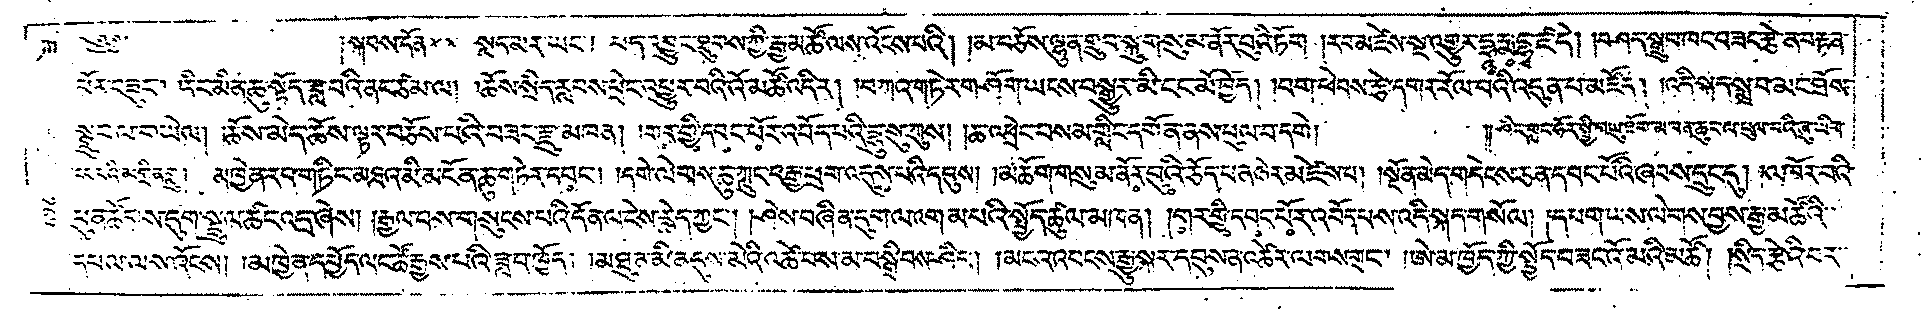༄༅། །སྐབས་དོན་྾་྾་སླད་མར་ཡང་། པད་འབྱུང་ཐུགས་ཀྱི་རྒྱ་མཚོ་ལས་འོངས་པའི། །མ་བཅོས་ལྷུན་གྲུབ་སྐུ་གསུམ་ནོར་བུའི་ཏོག །རབ་མཛེས་སྔ་འགྱུར་དྷཱརྨ྾་དྷྭ་ཛ་དེ། །བཤད་སྒྲུབ་ཁང་བཟང་རྩེ་ན་བརྟན་
པོར་བཟུང་། །རིང་མིན་ཆུ་སྟོད་ཟླ་བའི་ནང་ཙམ་ལ། །ཆོས་སྲིད་རླབས་ཕྲེང་འཕྱུར་བའི་འོ་མཚོ་འདིར། །བཀའ་གཏེར་གཤོག་ཡངས་བསྒྱུར་མི་ངང་མོ་ཁྱོད། །བག་ཕེབས་རྩེ་དགར་རོལ་བའི་འདུན་པ་མཛོད། །འདི་སྐད་སྨྲ་བ་མང་ཐོས་
སྒྲུབ་ལ་གཡེལ། །ཆོས་མེད་ཆོས་ལྟར་བཅོས་པའི་བཟང་རྫུ་མཁན། །གར྾་གྱི྾་དབང྾་པོར྾་འབོད་པའི་བྷུ་སུ་ཀུས། །ཆ་འཕྲེང་བསམ་གླིང་དགོན་ནས་ཕུལ་བ་དགེ། །།ཤིང་གླང་ཧོར་སྤྱི་གཡུ་ཐོག་མཁན་ཆུང་ལ་ཕུལ་བའི་ཞུ་ཡིག་
ངང་པའི་མགྲིན་གླུ། མཁྱེན་རབ་གཏིང་མཐའ་མི་མངོན་ཆུ་གཏེར་དབང྾། །དགེ་ལེགས་ཆུ་ཀླུང་བརྒྱ་ཕྲག་འདུས྾་པའི་དབུས། །མཆོག་གསུམ་ནོར྾་བུའི྾་ཅོད་པན་ཉེར་མཛེས་པ། །སྔོན་མེད་གདེངས་ཅན་དབང་པོའི་ཞབས་དྲུང་དུ། །འཁོར་བའི་
ཕུན་ཚོགས་དུག་སྦྲུལ་ཚང་འདྲ་ཞེས། །རྒྱལ་བས་གསུངས་པའི་དོན་ལ་ངེས་རྙེད་ཀྱང་། །ཤེས་བཞིན་དུག་ལ་འགམ་པའི་སྤྱོད་ཚུལ་མཁན། །གར྾་གྱི྾་དབང྾་པོར྾་འབོད་པས་འདི་སྐད་གསོལ། །དཔག་ཡས་ལེགས་བྱས་རྒྱ་མཚོའི་
དཔལ་ལས་འོངས། །མཁྱེན་དཔྱོད་ལང་ཚོ་རྒྱས་པའི་ཟླ་བ་ཁྱོད། །མཐུན་མིན་དུས་མེའི་འཚེ་བས་མ་བསྒྲིབས་ཤིང་། །མངའ་འབངས་རྒྱུ་སྐར་དབུས་ན་འཚེར་ལགས་གྲང་། །ཨེ་མ་ཁྱོད་ཀྱི་སྤྱོད་བཟང་འོ་མའི་མཚོ། །སྲིད་རྩེའི་བར་